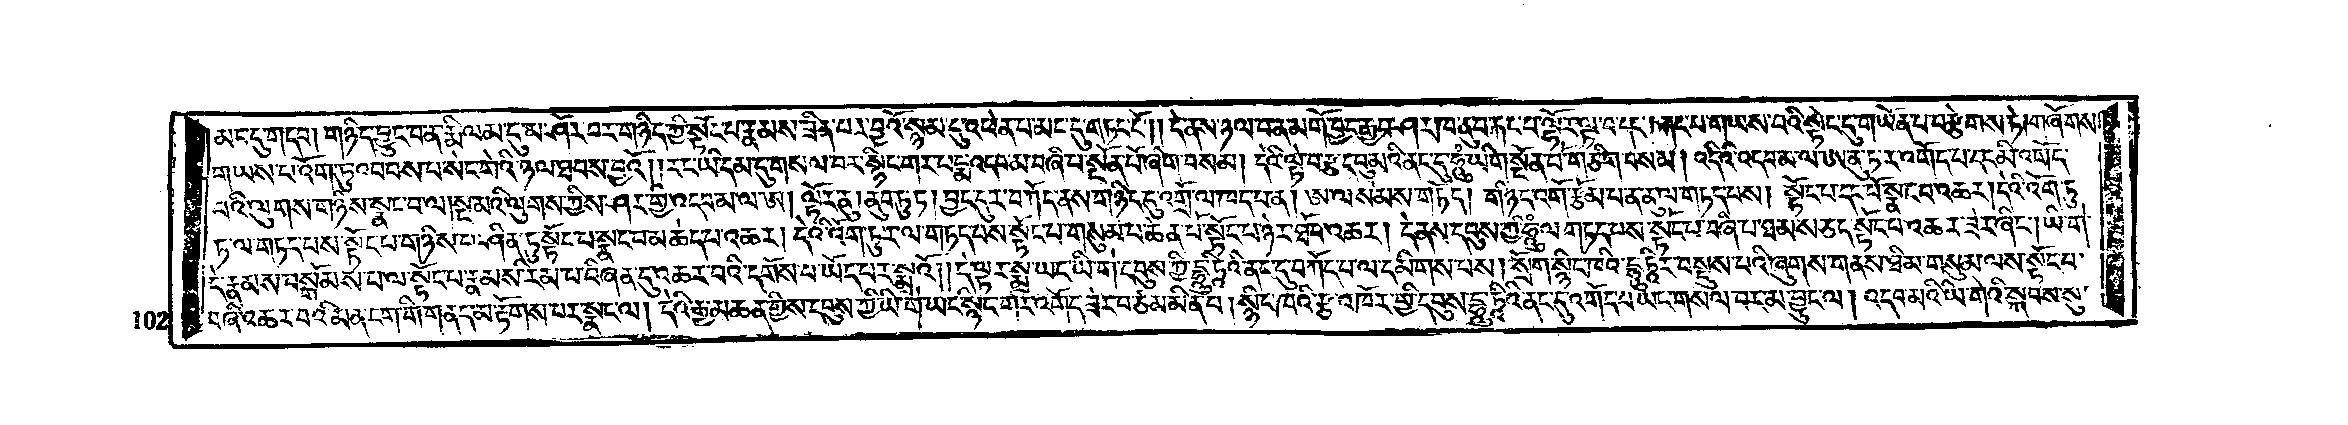མང་དུ་གདབ། གཉིད་བྱུང་བ་ན་རྨི་ལམ་དུ་མ་ཤོར་བར་གཉིད་ཀྱི་སྟོང་པ་རྣམས་ཟིན་པར་བྱའོ་སྙམ་དུ་འཕེན་པ་མང་དུ་གཏང་ངོ། །དེ་ནས་ཉལ་བ་ན་མ་གོ་བྱང་རྒྱབ་ཤར་ཁ་ནུབ་རྐང་པ་ལྷོར་ལྟ་བ་དང་། རྐང་པ་གཡས་པའི་སྟེང་དུ་གཡོན་པ་བརྩེགས་ཏེ། གཞོགས་
གཡས་པ་འོག་ཏུ་འབབས་པ་སེང་གེའི་ཉལ་ཐབས་བྱའོ། །རང་ཡི་དམ་དུ་གསལ་བའི་སྙིང་གར་པདམ་འདབ་མ་བཞི་པ་སྔོན་པོ་ཞིག་བསམ། དེའི་ལྟེ་བ་རྩ་དབུ་མའི་ནང་དུ་ཧཱུཾ་ཡིག་སྔོན་པོ་གཅིག་བསམ། འདིའི་འདབ་མ་ལ་ཨ་ནུ་ཏ་ར་འགོད་པ་དང་མི་འགོད་
པའི་ལུགས་གཉིས་སྣང་བ་ལ། སྔ་མའི་ལུགས་ཀྱིས་ཤར་གྱི་འདབ་མ་ལ་ཨ། ལྷོར་ནུ། ནུབ་ཏུ་ཏ། བྱང་དུ་ར་བཀོད་ནས་གཉིད་དུ་འགྲོ་ལ་ཁད་པ་ན། ཨ་ལ་སེམས་གཏོད། གཉིད་འགོ་རྩོམ་པ་ན་ནུ་ལ་གཏད་པས། སྟོང་པ་དང་པོ་སྣང་བ་འཆར། དེའི་འོག་ཏུ་
ཏ་ལ་གཏད་པས་སྟོང་པ་གཉིས་པ་ཤིན་ཏུ་སྟོང་པ་སྣང་བ་མཆེད་པ་འཆར། དེའི་འོག་ཏུ་ར་ལ་གཏད་པས་སྟོང་པ་གསུམ་པ་ཆེན་པོ་སྟོང་པ་ཉེར་ཐོབ་འཆར། དེ་ནས་དབུས་ཀྱི་ཧཱུཾ་ལ་གཏད་པས་སྟོང་པ་བཞི་པ་ཐམས་ཅད་སྟོང་པ་འཆར་ཟེར་ཞིང་། ཡི་གེ་
དེ་རྣམས་བསྒོམས་པ་ལ་སྟོང་པ་རྣམས་རིམ་པ་བཞིན་དུ་འཆར་བའི་དགོས་པ་ཡོད་པར་སྨྲའོ། །དེ་ལྟར་སྨྲ་ཡང་ཡི་གེ་དབུས་ཀྱི་དྷཱུ་ཏཱིའི་ནང་དུ་བཀོད་པ་ལ་དམིགས་པས། སྲོག་སྙིང་ཁའི་དྷཱུ་ཏཱིར་བསྡུས་པའི་ཞུགས་གནས་ཐིམ་གསུམ་ལས་སྟོང་པ་
བཞི་འཆར་བའི་མན་ངག་གི་གནད་མ་རྟོགས་པར་སྣང་ལ། དེའི་རྒྱུ་མཚན་གྱིས་དབུས་ཀྱི་ཡི་གེ་ཡང་སྙིང་གར་འགོད་ཟེར་བ་ཙམ་མིན་པ། སྙིང་ཁའི་རྩ་འཁོར་གྱི་དབུས་དྷཱུ་ཏཱིའི་ནང་དུ་འགོད་པ་ཡང་གསལ་བར་མ་བྱུང་ལ། འདབ་མའི་ཡི་གེའི་སྐབས་སུ་